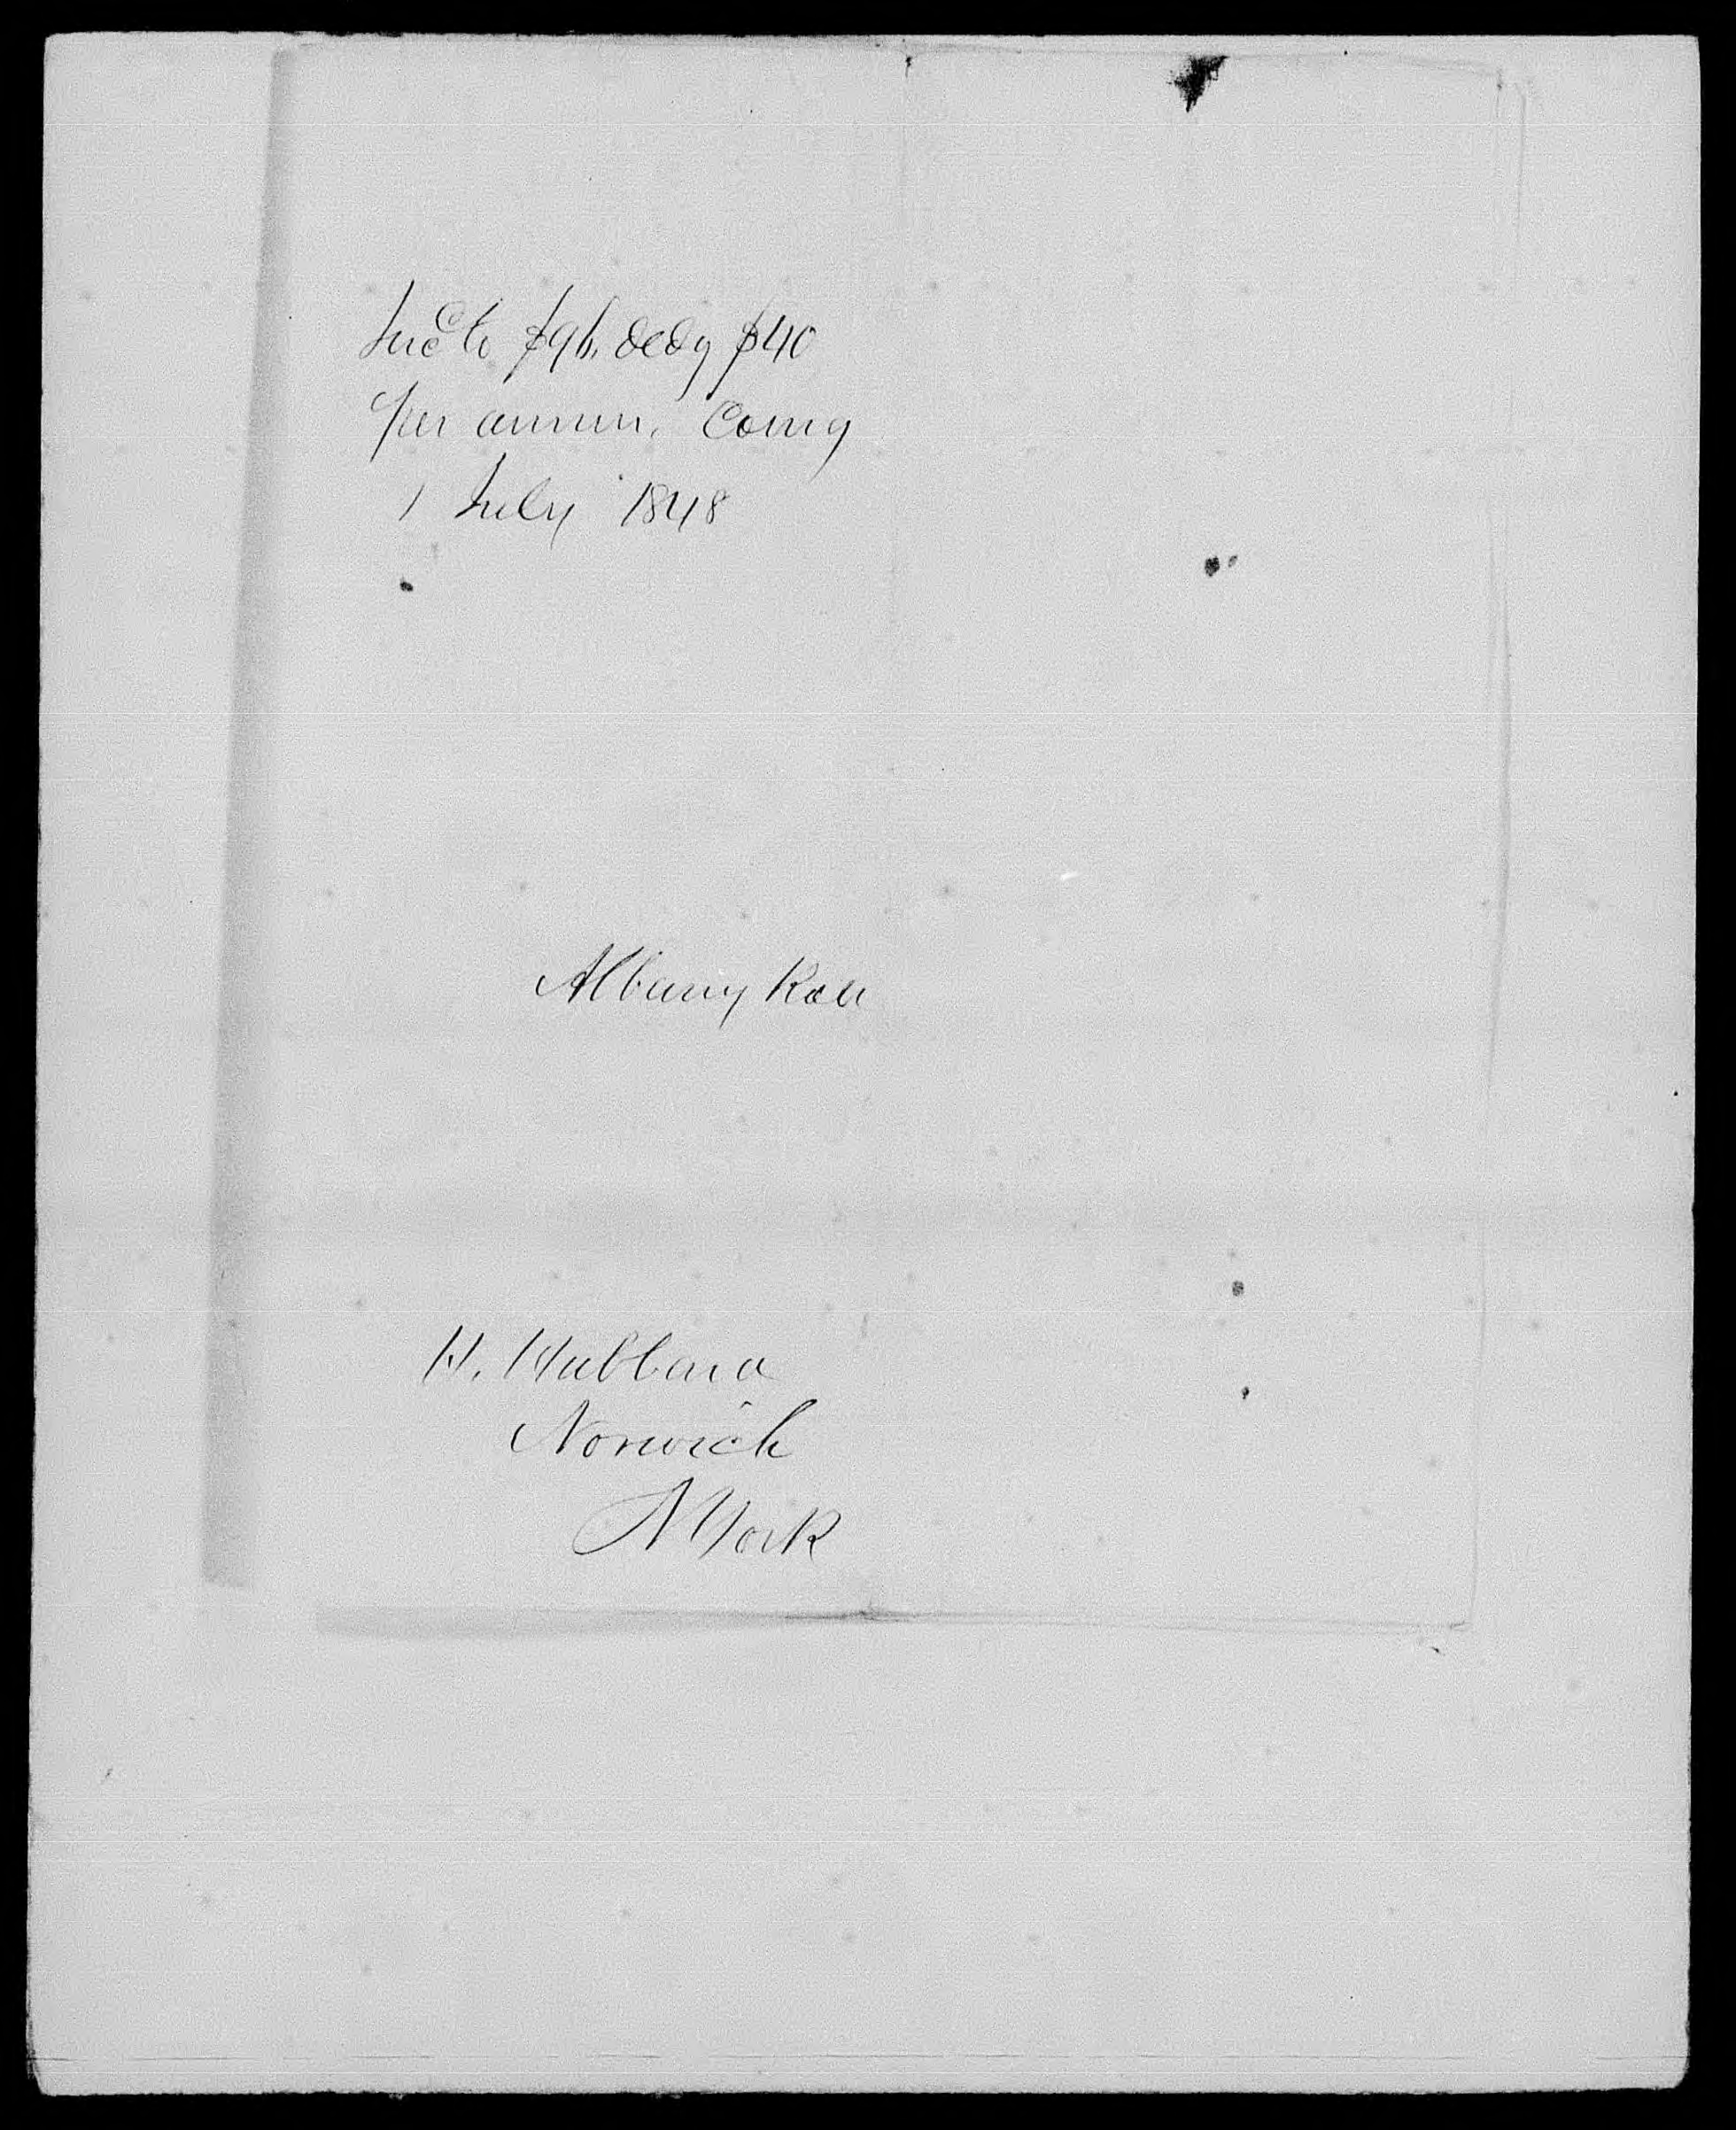due to $96, dedy $40
per annum, coing
1 July 1848

Albany Roll

H. Hubbard
Norwich
N York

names: H Hubbard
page: 40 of 46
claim: widow's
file: W. 23022, Thomas Farr, N.H.